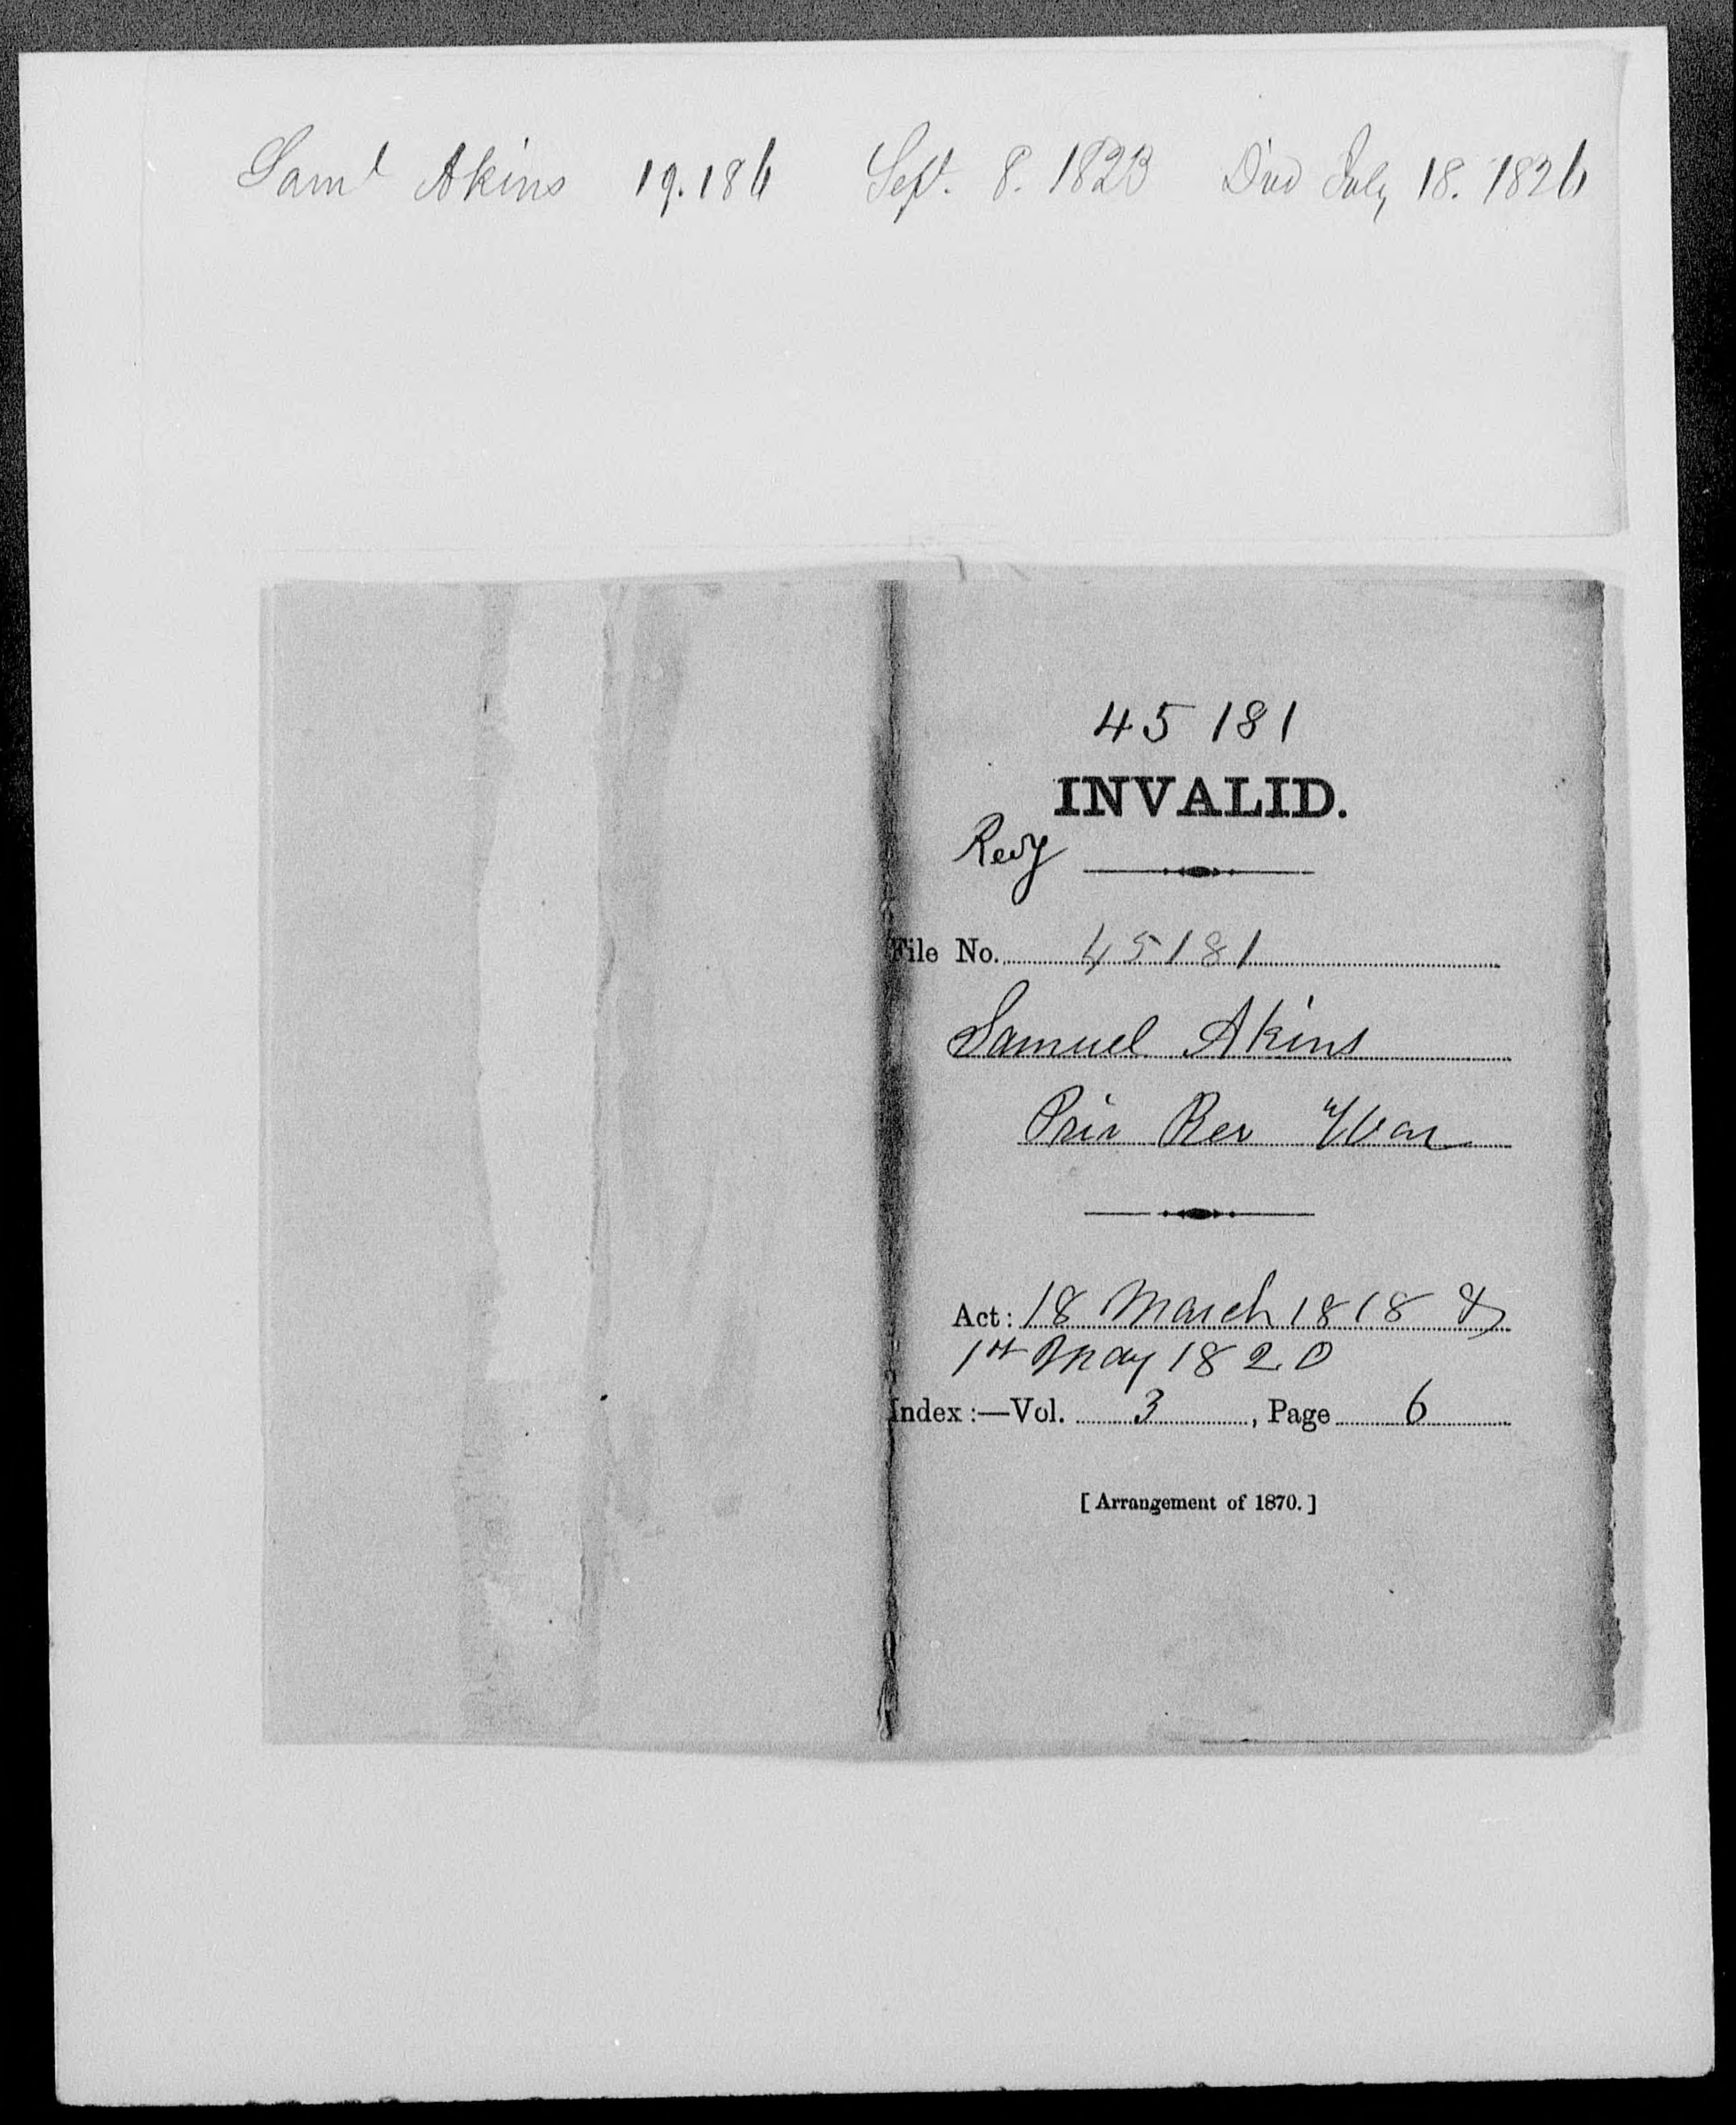[handwritten] Saml Akins 19.186
Sept. 8. 1823
Died July 18. 1826

45 181 [end handwritten] 
INVALID.
[handwritten]  Revy [end handwritten] ---
File No.
[handwritten] 45181
Samuel Akins
Priv Rev War [end handwritten] 
---
Act: [handwritten] 18 March 1818 &
1st May 1820 [end handwritten] 
Index:-- Vol. [handwritten] 3 [end handwritten], Page [handwritten] 6 [end handwritten] 
[Arrangement of 1870.]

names: Samuel Akins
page: 9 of 9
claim: survivor's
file: S. 45181, Samuel Akins, New York